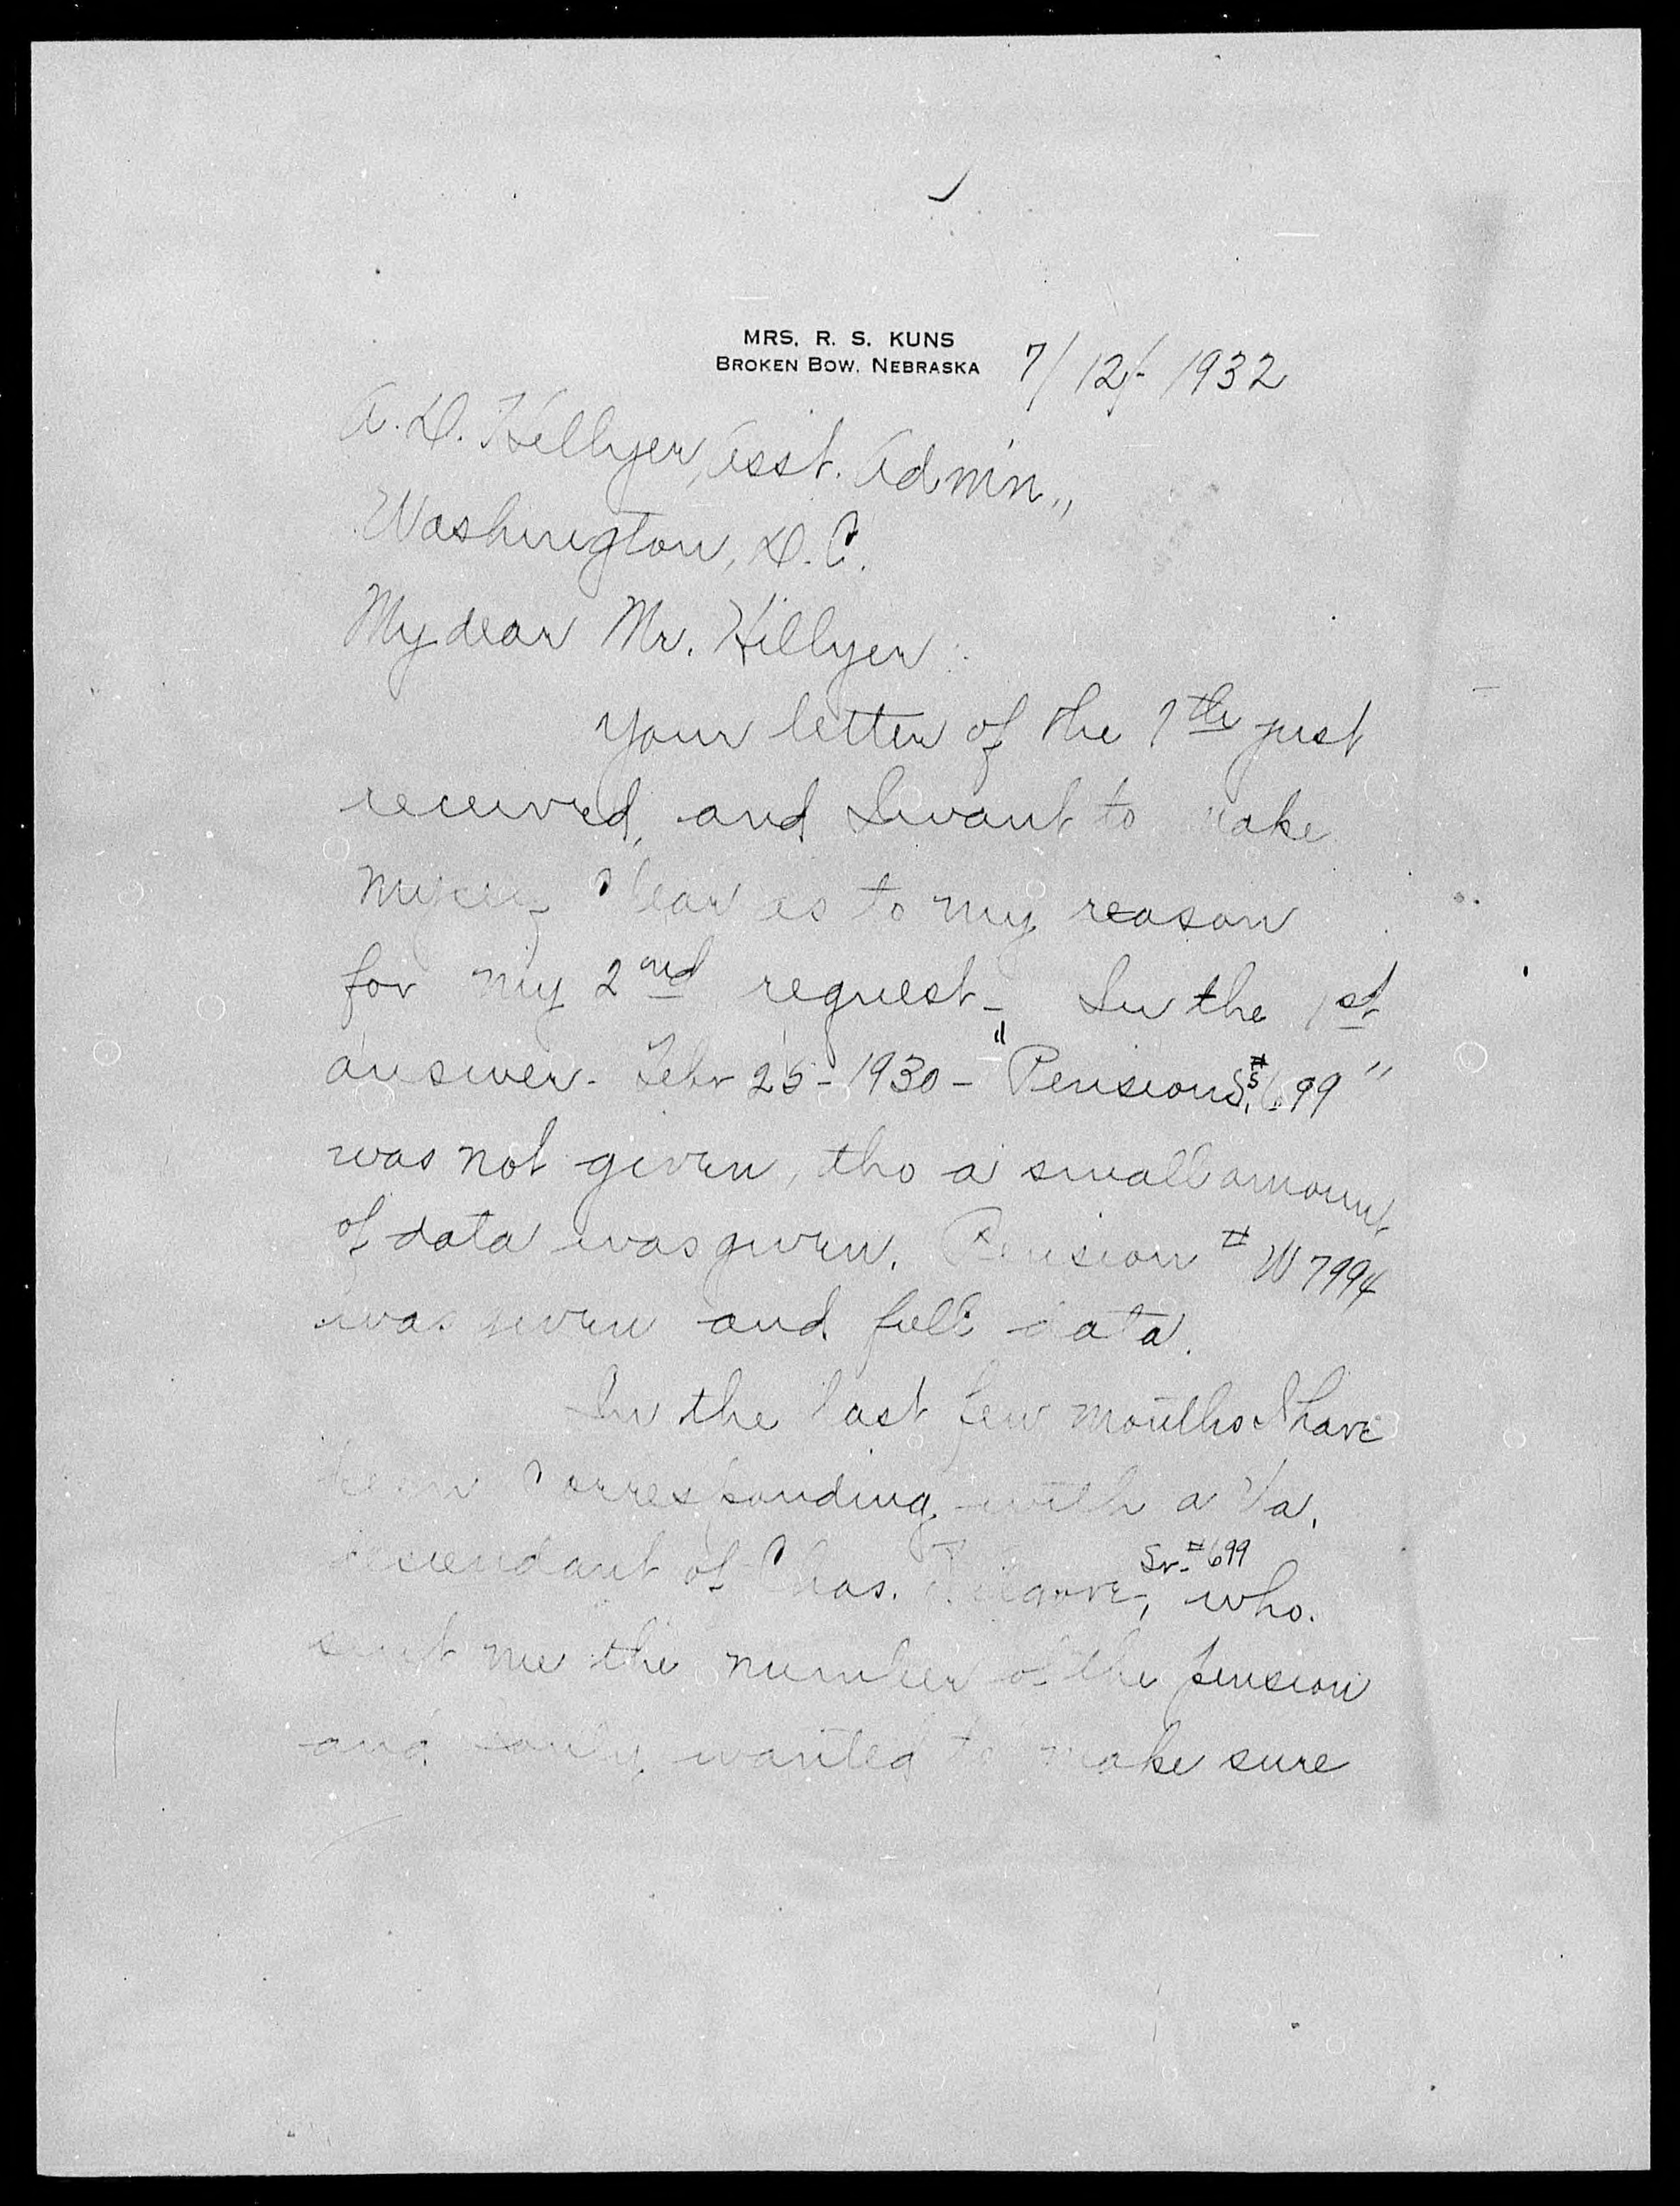MRS. R. S. KUNS
BROKEN BOW NEBRASKA
7/12/-1932

A.D. Hillyer, Asst. Admin.
Washington, D.C.
My dear Mr. Hillyer
Your letter of the 11th just received and I want to make myself clear as to my reason for my 2nd request- In the 1st answer- Febr 25-1930- "Pensions # S. 699" was not given, tho a small amount of date was given. Pension # W 7994 was given and full data.
In the last few months I have been corresponding with a Va. deciendant of Chas. Gilmore, Sr. # 699 who sent me the number of the pension and I only wanted to make sure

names: Chas Kilgore; R S Kuns; A D Hillyer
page: 32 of 115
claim: survivor's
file: S. 699, for Charles Kilgore, Virginia